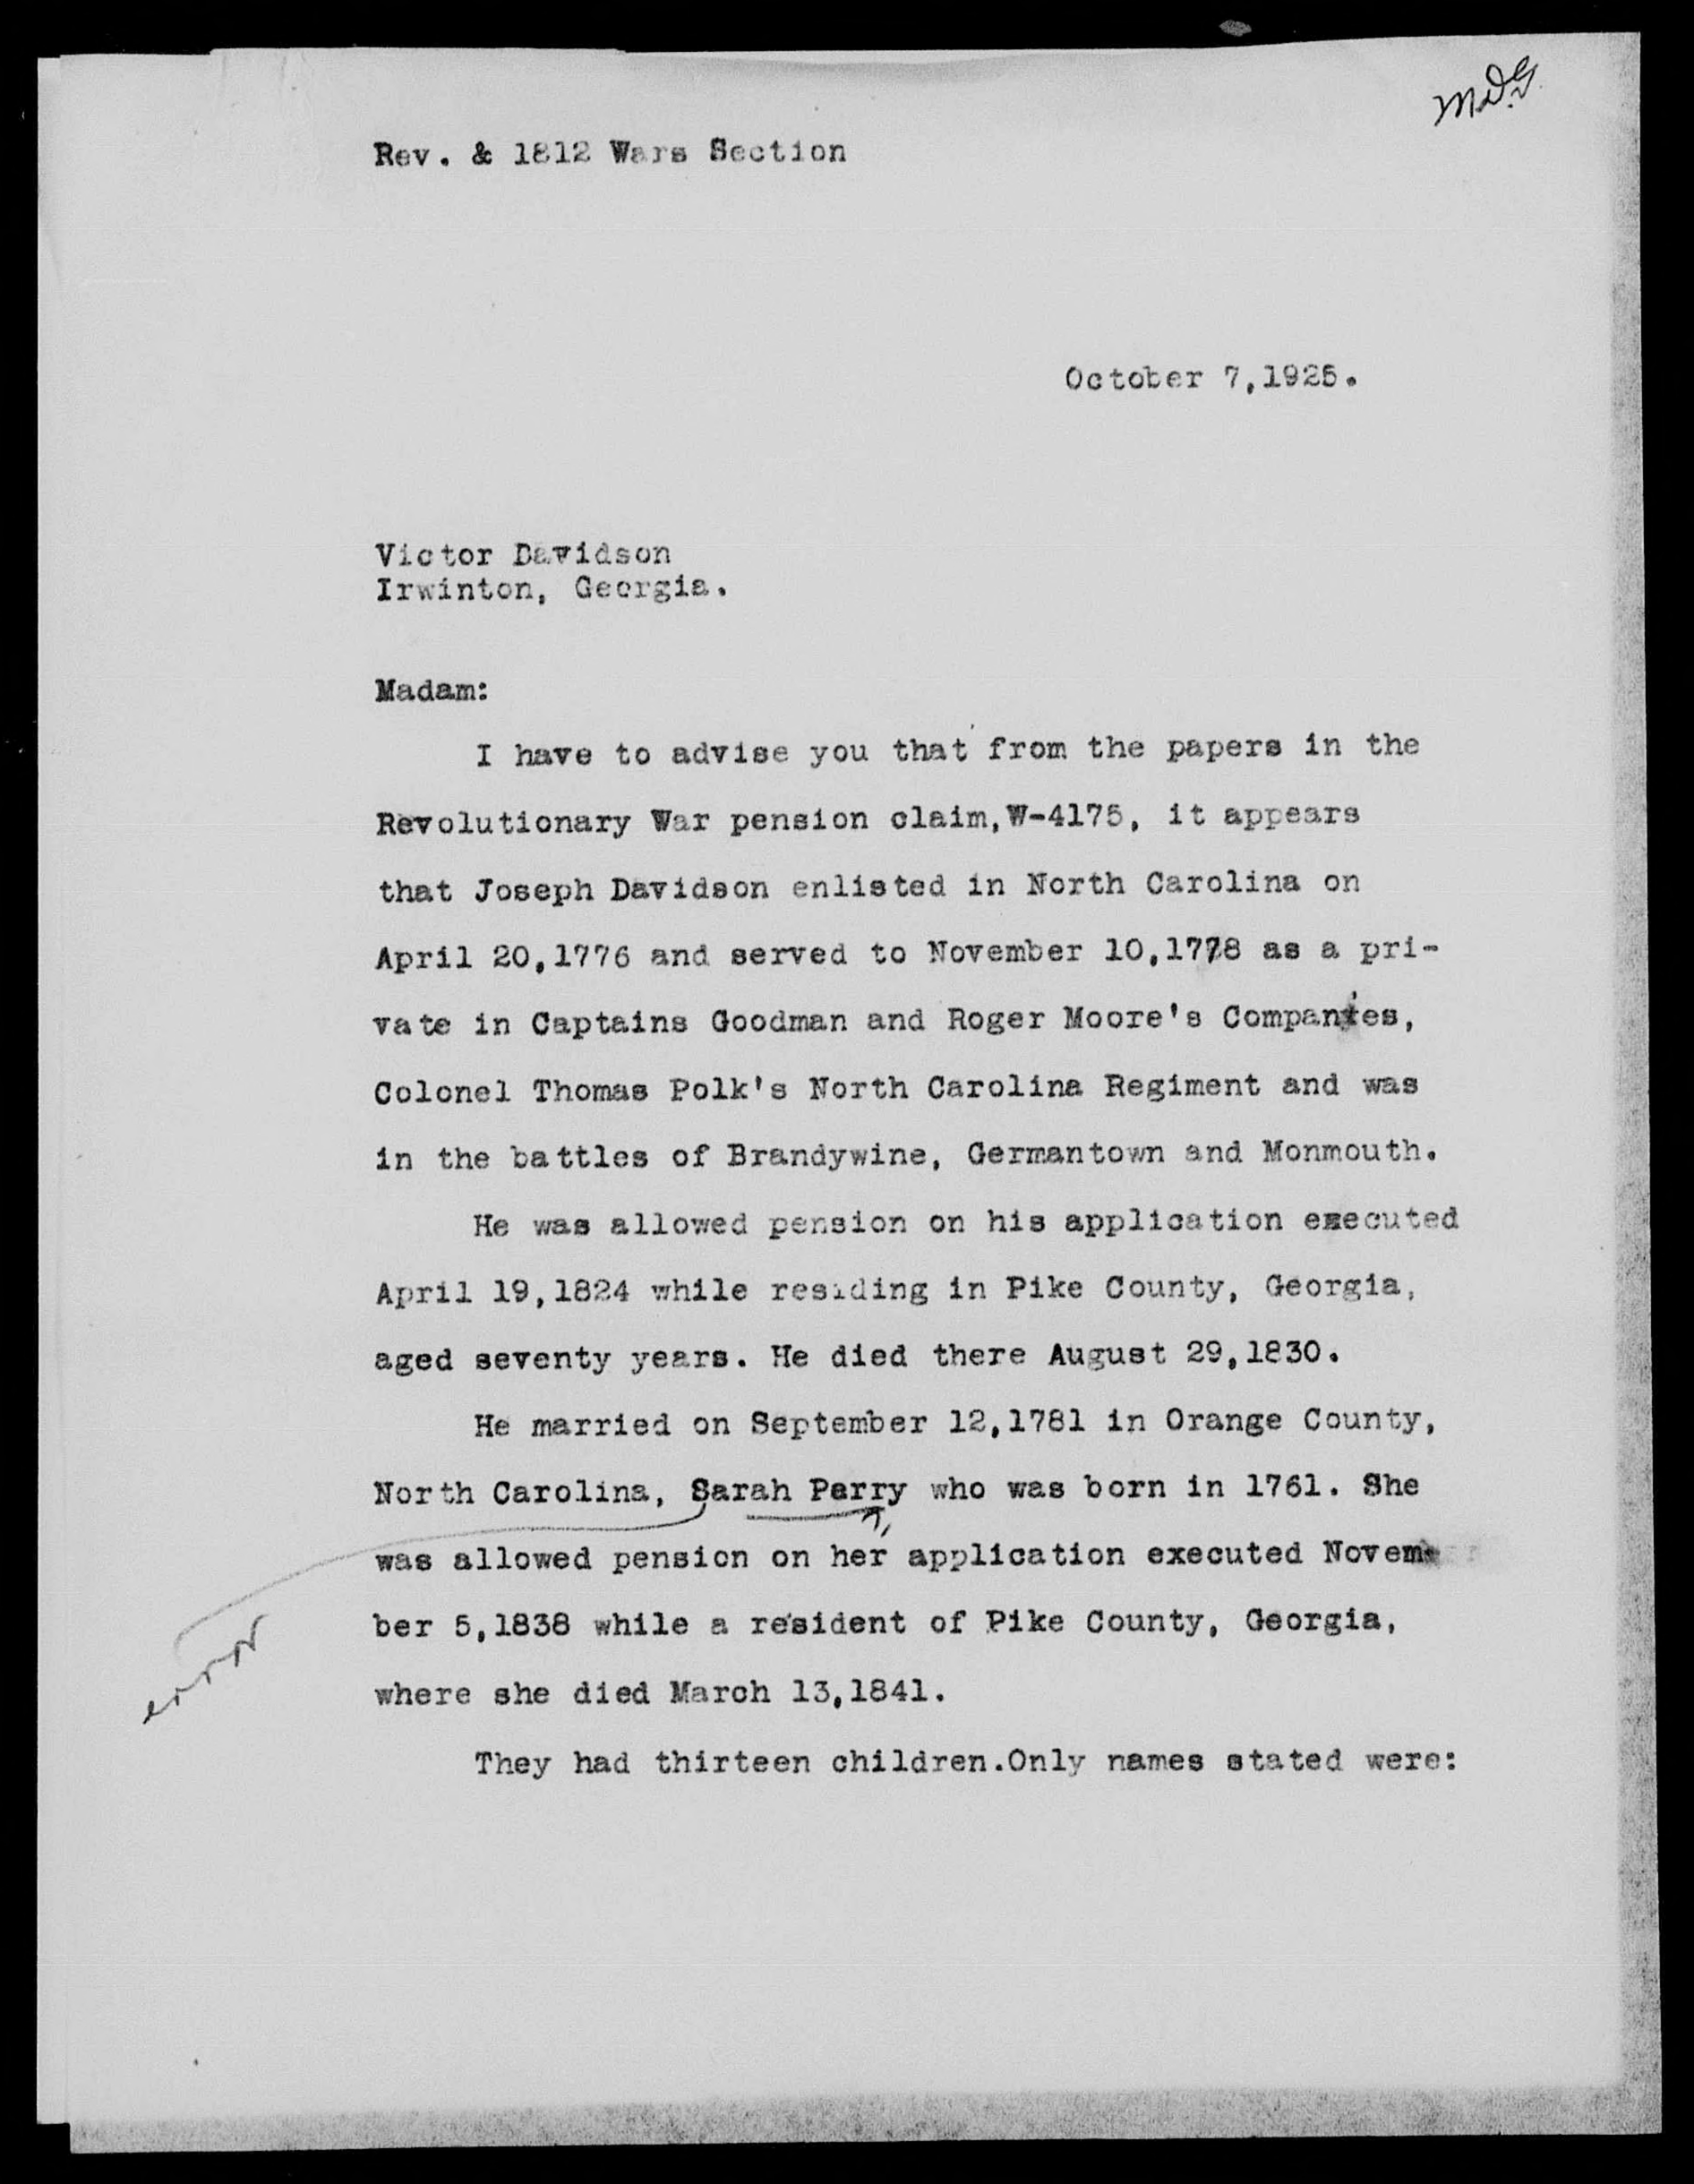Revolution and 1812 Wars Section
MDG
October 7, 1925.

Victor Davidson
Irwinton, Georgia.

Madam:
I have to advise you that from the papers in the Revolutionary War pension claim, W. 4175, it appears that Joseph Davidson enlisted in North Carolina on April 20, 1776 and served to November 10, 1778 as a private in Captains Goodman and Roger Moore's Companies,
Colonel Thomas Polk's North Carolina Regiment and was in the battles of Brandywine, Germantown and Monmouth.

He was allowed pension on his application executed April 19, 1824 while residing in Pike County, Georgia, aged seventy years. He died there August 29, 1830.

He married on September 12, 1781 in Orange County, North Carolina, Sarah Parry (error) who was born in 1761. She was allowed pension on her application executed November 5, 1838 while a resident of Pike County, Georgia, where she died March 13, 1841.

They had thirteen children. Only names stated were:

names: Joseph Davidson, Sarah Perry, Victor Davidson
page: 62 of 63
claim: widow's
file: W. 4175, Joseph Davidson, N.C.